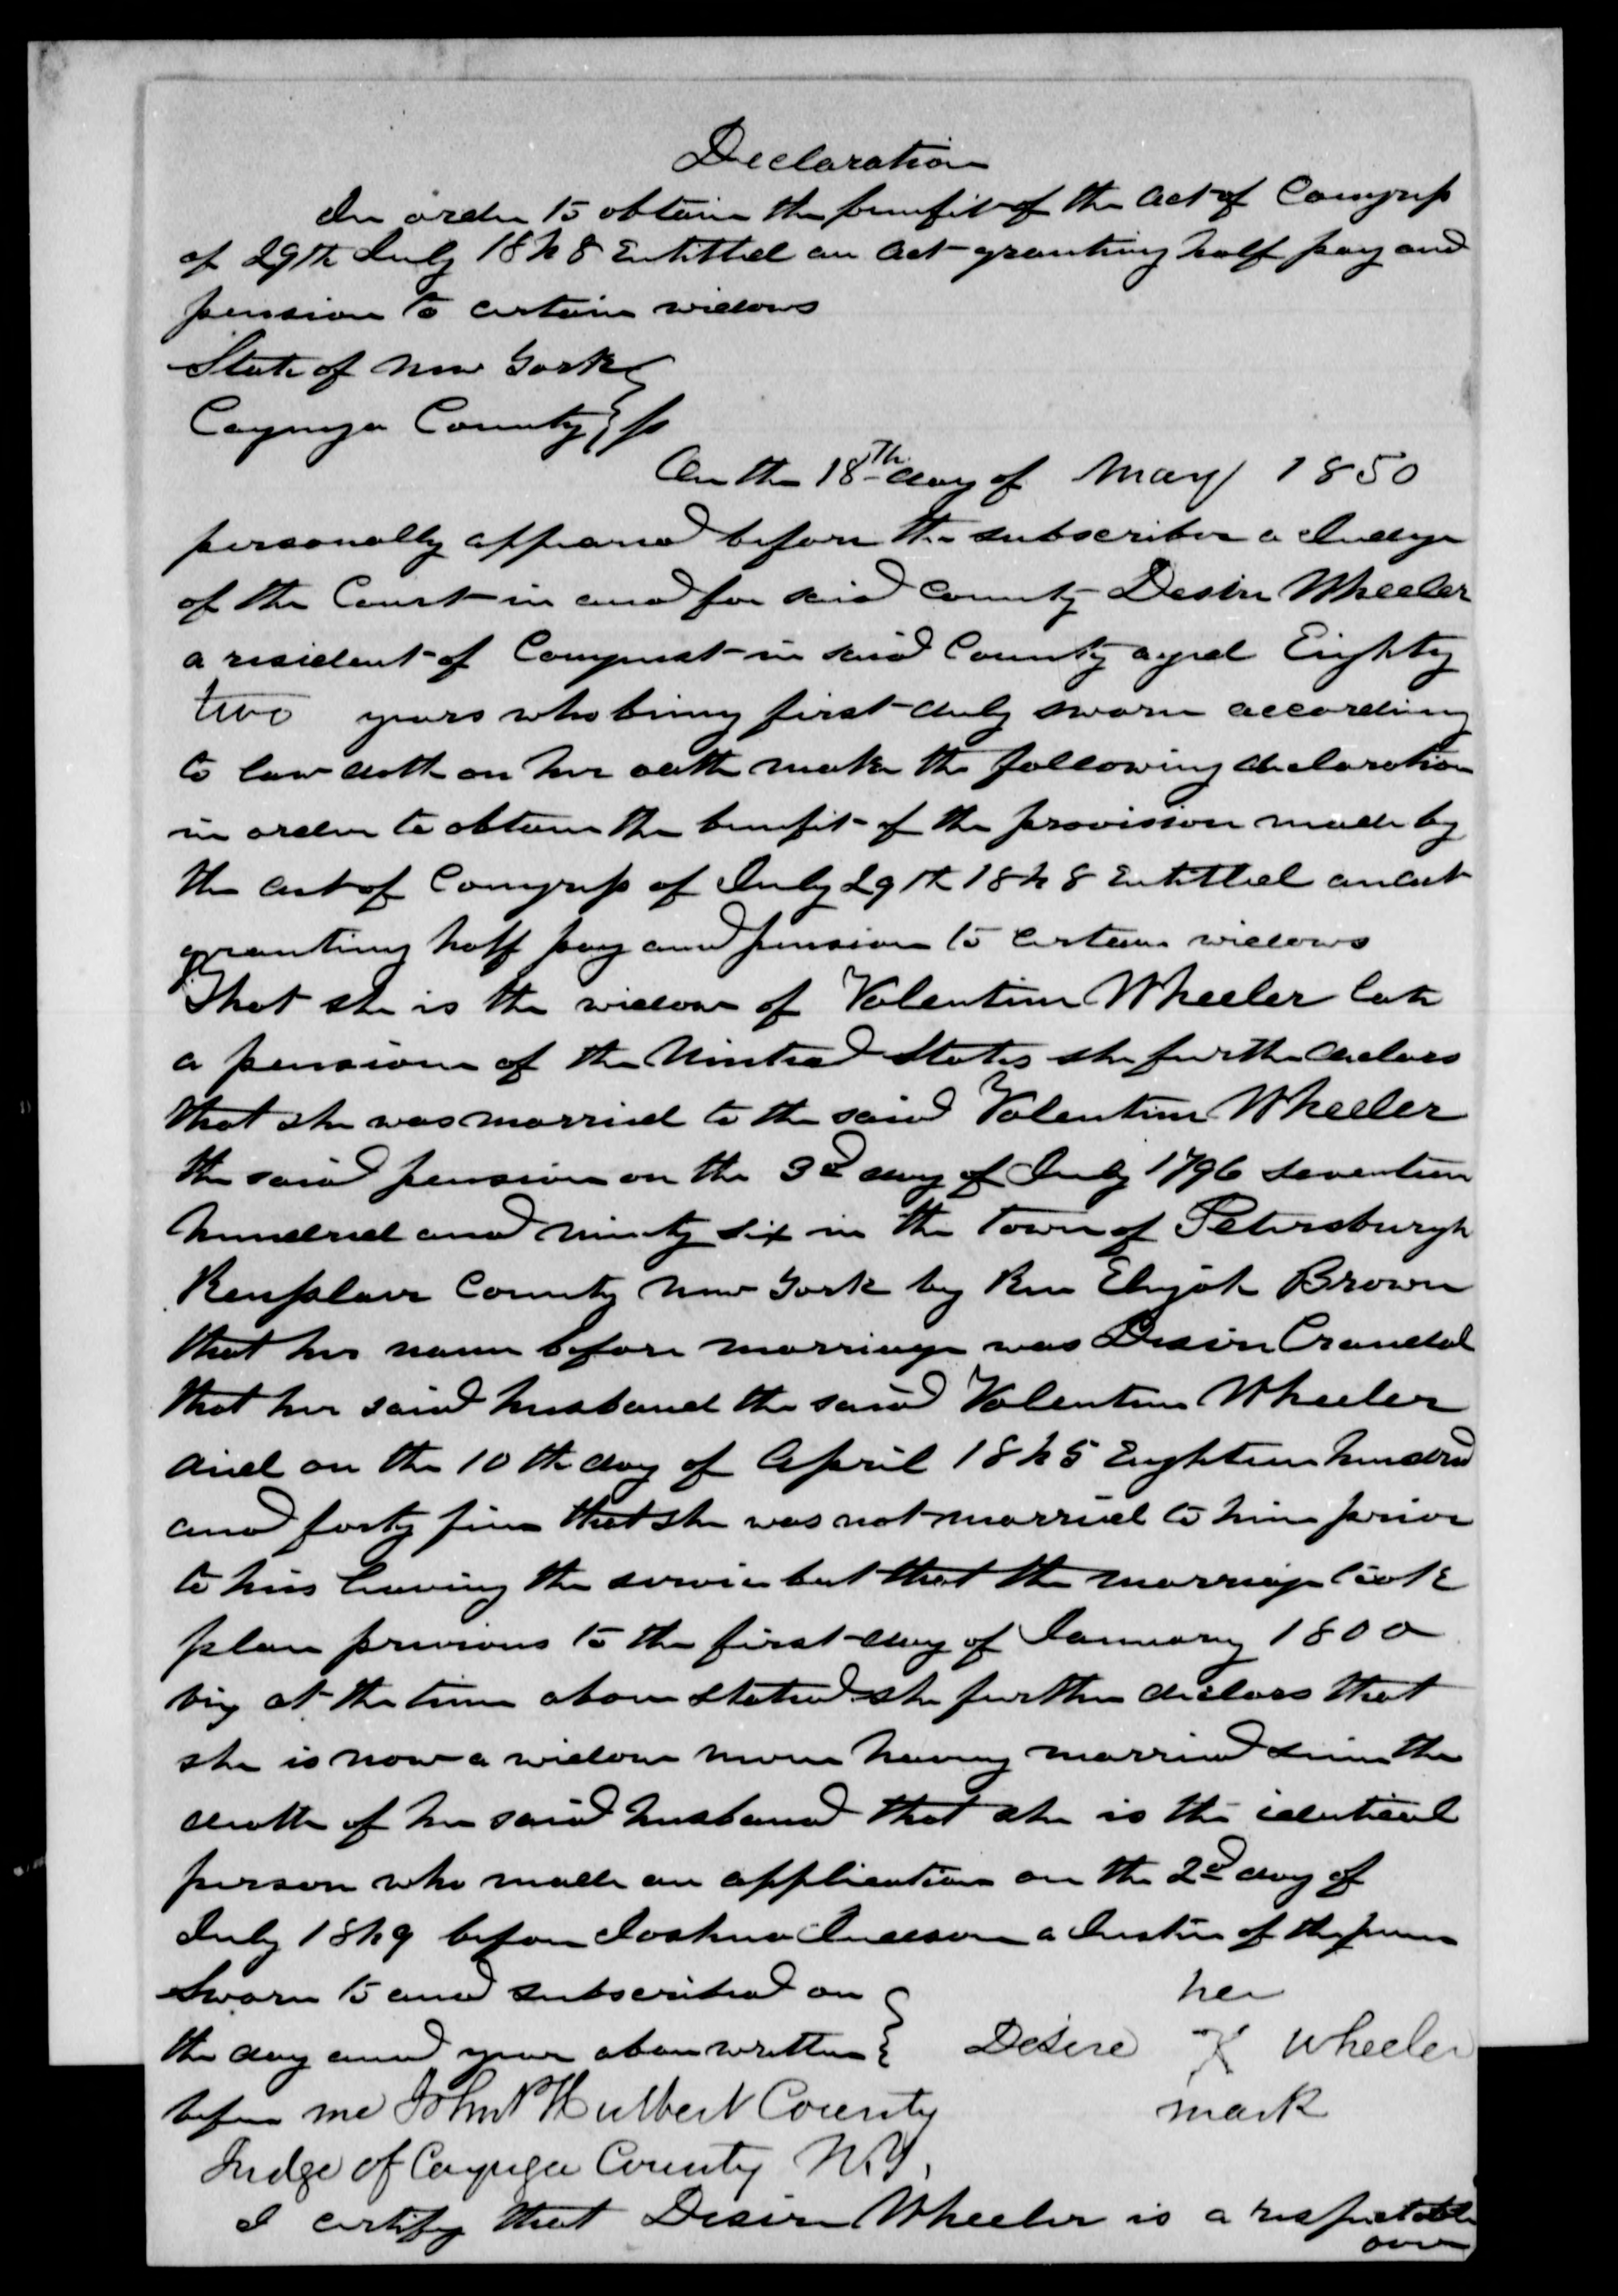Declaration
In order to obtain the benefit of the act of Congress of 29th July 1848 entitled an act granting half pay and pension to certain widows.
State of New York
Cayuga County ss.
On this 18th day of May, 1850 personally appeared before the subscriber a Judge of the Court in and for said county, Desire Wheeler a resident of Conquest in said County aged Eighty two years who being first duly sworn according to law doth on her oath make the following declaration in order to obtain the benefit of the provision made by the act of Congress of July 19th, 1848 entitled an act granting half pay and pensions to certain widows.
That she is the widow of Valentine Wheeler late a pensioner of the United States. She further declared that she was married to the said Valentine Wheeler the said pensioner on the 3d day of July 1796 seventeen hundred and ninety six in the town of Petersburgh Rensslaer County New York by Rev. Elijah Brown. That her name before marriage was Desire Crandal. that her said husband the said Valentine Wheeler died on the 10th day of April 1845 Eighteen hundred and forty five. That she was not married to him prior to his leaving the service but that the marriage took place previous to the first day of January 1800 viz. at the time above stated. She further declares that she is now a widow never having married since the death of her said husband. That she is the identical person who made an application on the 2d day of July 1849 before Joshua Judson a Justice of the peace.
Desire  X  Wheeler
her mark

Sworn to and subscribed on the day and year above written. Before me John Hulbert County Judge of Cayuga County N. Y. 
I certify that Desire Wheeler is a respectable
over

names: Volentine Wheeler, Desire Crandal, Joshua Judson, Desire Wheeler, John P Hulbert, Elijah Brown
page: 92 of 98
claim: widow's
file: W. 1682, Valentine Wheeler, Mass.